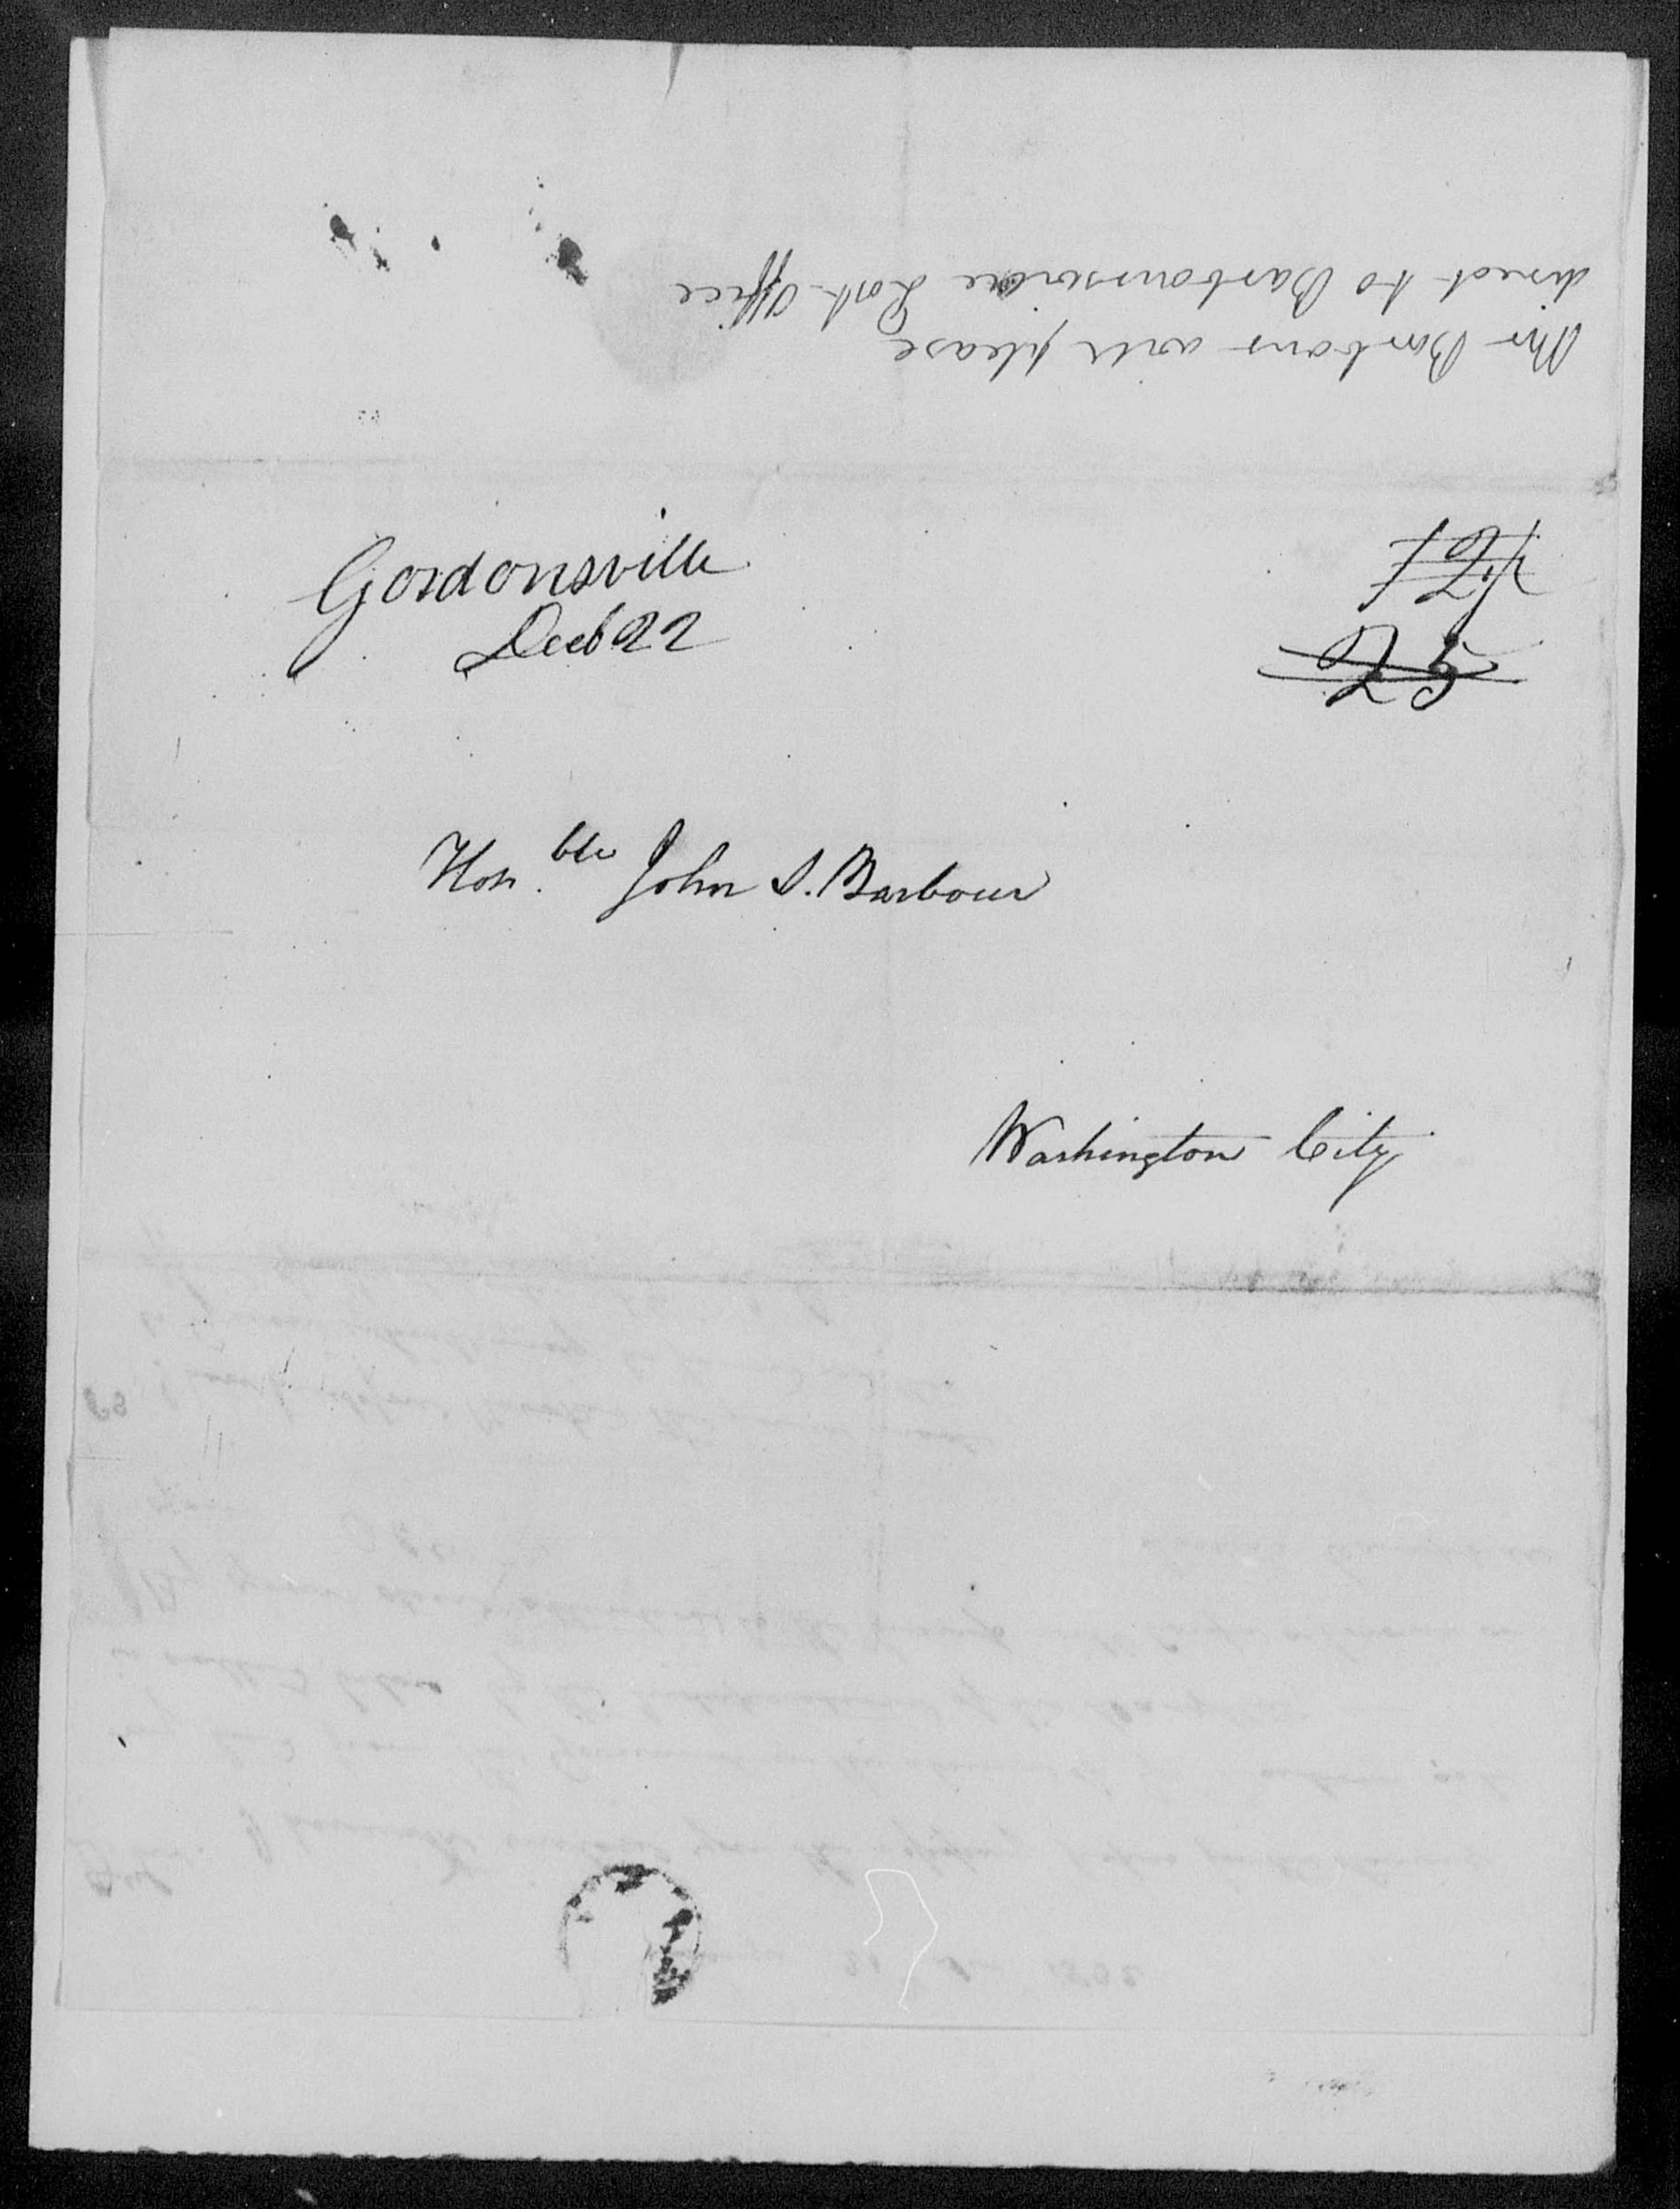[writing at top of document is upside down]

Mr Barbour will please direct to Barboursville Land Office

[writing below is right side up]

Gordonsville
Decb 22

[cross out] 12 p [end cross out]
[cross out] 25 [end cross out]

Honble.  John S. Barbour
Washington City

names: John S Barbour, Barbour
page: 99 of 267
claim: widow's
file: W. 4,149, William Campbell, Va.